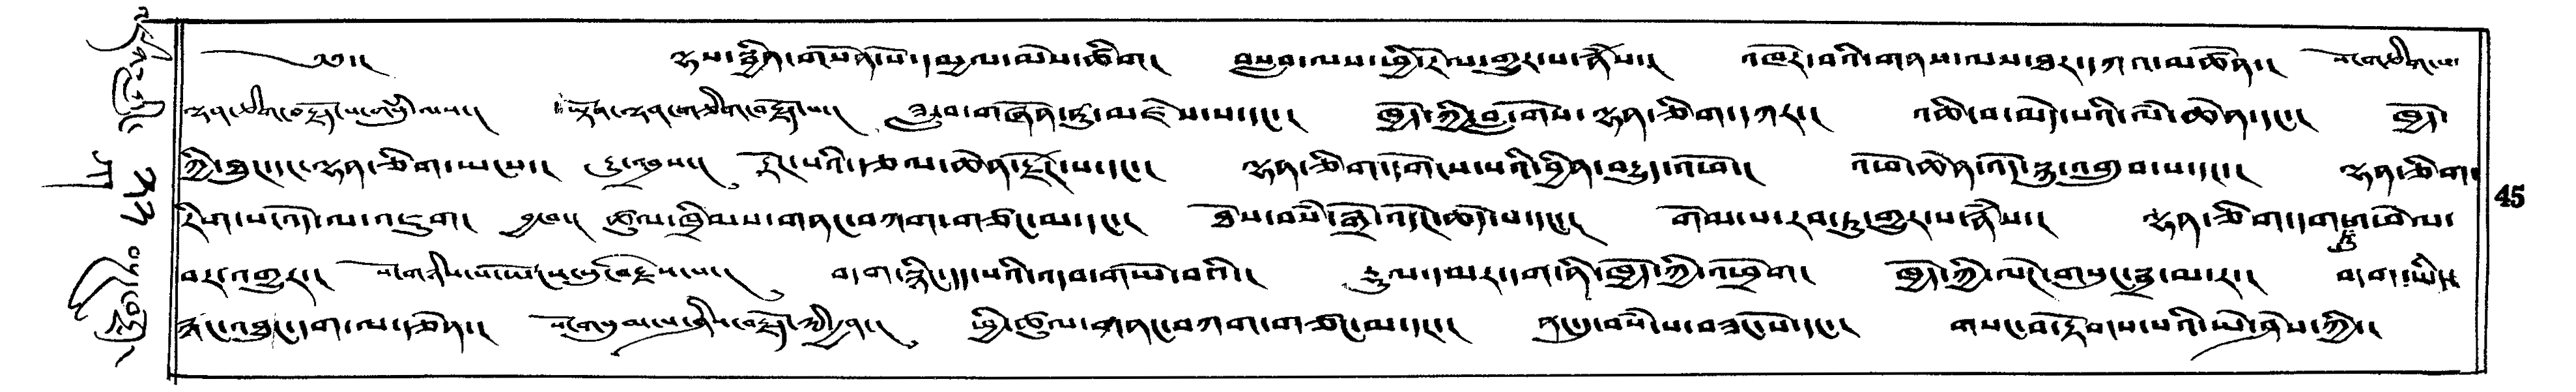།ལྷས་སྦྱིན་གསོན་པོ་དམྱལ་མེས་ཚིག ། བསླབ་ལས་ཕྱི་རོལ་གྱུར་པ་རྣམས། །འཁོར་བའི་གནས་ལས་ཐར་དཀའ་མཚོན། ། སོ་གཅིག་པ་
ལྷན་ཅིག་བརྗོད་པ་ལ་གསུམ་ལས། ཡོན་ཏན་ལྷན་གཅིག་བརྗོད་པ། ཟླ་བ་གཞོན་ནུ་མཛེས་པ་དང་། །ཁྱོད་ཀྱི་བླ་གོས་ལྷན་ཅིག་དཀར། །འཆི་བ་མེད་པའི་ལམ་ཆེན་དང་། །ཁྱོད་
ཀྱི་ཐུགས་ཉིད་ལྷན་ཅིག་ཡངས། ། རྒྱུ་འབྲས། རྟོགས་པའི་རྩལ་ཆེན་རྫོགས་པ་དང་། །ལྷན་ཅིག་དགོངས་པའི་བྱིན་བརྒྱུད་འཕོ། །འཕོ་ཆེན་འོད་སྐུ་འགྲུབ་པ་དང་། །ལྷན་ཅིག་
རིག་པ་འོད་ལ་འཇུག། བྱ་བ། ཚུལ་ཁྲིམས་གནང་བཀག་གཙང་མ་དང་། །ཐོས་བསམ་སྒྲོ་འདོགས་ཆོད་པ་དང་། །གོམས་པ་རབ་ཏུ་གྱུར་པ་རྣམས། །ལྷན་ཅིག་དག་ཏུ་འཕཻལ་
བར་འགྱུར། ། སོ་ཉིས་པ་ཡོངས་སུ་བརྗེས་པ། བདག་སྙིང་དད་པའི་འདབ་གཡོ་བའི། །རྡུལ་དམར་དག་ནི་ཁྱོད་ཀྱིས་འཕྲོག །ཁྱོད་ཀྱི་ལེགས་གསུང་སྦྲ་མ་ར། །བདག་ཡིད་
རྐང་འཐུང་དག་ལ་བརྩེན། ། སོ་གསུམ་པ་ཤིས་བརྗོད་ཀྱི་རྒྱན། །ཕྱི་ཚུལ་གནང་བཀག་གཙང་མ་དང་། །ནང་དུ་བསམ་པ་བཟང་པོ་དང་། །གསང་བ་རྟོགས་པའི་ཡེ་ཤེས་ཀྱི།